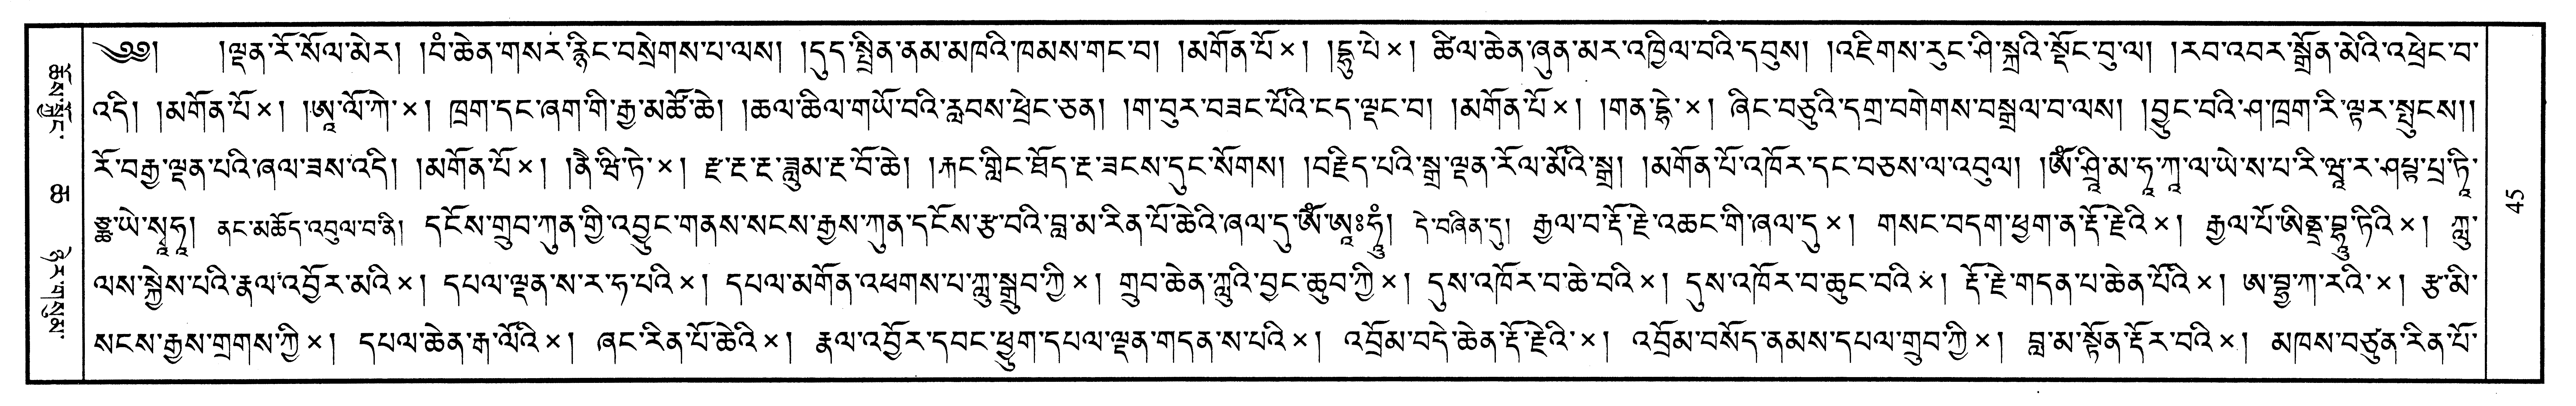༄༅། །ལྡན་རོ་སོལ་མེར། །བཾ་ཆེན་གསར་རྙིང་བསྲེགས་པ་ལས། །དུད་སྤྲིན་ནམ་མཁའི་ཁམས་གང་བ། །མགོན་པོ་྾། །དྷུ་པེ་྾། ཚིལ་ཆེན་ཞུན་མར་འཁྱིལ་བའི་དབུས། །འཇིགས་རུང་ཤི་སྐྲའི་སྡོང་བུ་ལ། །རབ་འབར་སྒྲོན་མེའི་འཕྲེང་བ་
འདི། །མགོན་པོ་྾། །ཨཱ་ལོ་ཀེ་྾། ཁྲག་དང་ཞག་གི་རྒྱ་མཚོ་ཆེ། །ཆལ་ཆིལ་གཡོ་བའི་རླབས་ཕྲེང་ཅན། །ག་བུར་བཟང་པོའི་ངད་ལྡང་བ། །མགོན་པོ་྾། །གན་དྷེ་྾། ཞིང་བཅུའི་དགྲ་བགེགས་བསྒྲལ་བ་ལས། །བྱུང་བའི་ཤ་ཁྲག་རི་ལྟར་སྤུངས།།
རོ་བརྒྱ་ལྡན་པའི་ཞལ་ཟས་འདི། །མགོན་པོ་྾། །ནཻ་ཝི་ཏེ་྾། རྫ་རྔ་རྔ་ཟླུམ་རྔ་བོ་ཆེ། །རྐང་གླིང་ཐོད་རྔ་ཟངས་དུང་སོགས། །བརྗིད་པའི་སྒྲ་ལྡན་རོལ་མོའི་སྒྲ། །མགོན་པོ་འཁོར་དང་བཅས་ལ་འབུལ། །ཨོཾ་ཤྲཱི་མ་ཧཱ་ཀཱ་ལ་ཡེ་ས་པ་རི་ཝཱ་ར་ཤཔྟ་པྲ་ཏཱི་
ཙྪ་ཡེ་སྭཱཧཱ། ནང་མཆོད་འབུལ་བ་ནི། དངོས་གྲུབ་ཀུན་གྱི་འབྱུང་གནས་སངས་རྒྱས་ཀུན་དངོས་རྩ་བའི་བླ་མ་རིན་པོ་ཆེའི་ཞལ་དུ་ཨོཾ་ཨཱཿ ཧཱུཾ། དེ་བཞིན་དུ། རྒྱལ་བ་རྡོ་རྗེ་འཆང་གི་ཞལ་དུ་྾། གསང་བདག་ཕྱག་ན་རྡོ་རྗེའི་྾། རྒྱལ་པོ་ཨིནྡྲ་བྷཱུ་ཏིའི་྾། ཀླུ་
ལས་སྐྱེས་པའི་རྣལ་འབྱོར་མའི་྾། དཔལ་ལྡན་ས་ར་ཧ་པའི་྾། དཔལ་མགོན་འཕགས་པ་ཀླུ་སྒྲུབ་ཀྱི་྾། གྲུབ་ཆེན་ཀླུའི་བྱང་ཆུབ་ཀྱི་྾། དུས་འཁོར་བ་ཆེ་བའི་྾། དུས་འཁོར་བ་ཆུང་བའི་྾། རྡོ་རྗེ་གདན་པ་ཆེན་པོའི་྾། ཨ་བྷྱ་ཀ་རའི་྾། རྩ་མི་
སངས་རྒྱས་གྲགས་ཀྱི་྾། དཔལ་ཆེན་རྒ་ལོའི་྾། ཞང་རིན་པོ་ཆེའི་྾། རྣལ་འབྱོར་དབང་ཕྱུག་དཔལ་ལྡན་གདན་ས་པའི་྾། འབྲོམ་བདེ་ཆེན་རྡོ་རྗེའི་྾། འབྲོམ་བསོད་ནམས་དཔལ་གྲུབ་ཀྱི་྾། བླ་མ་སྟོན་རྡོར་བའི་྾། མཁས་བཙུན་རིན་པོ་